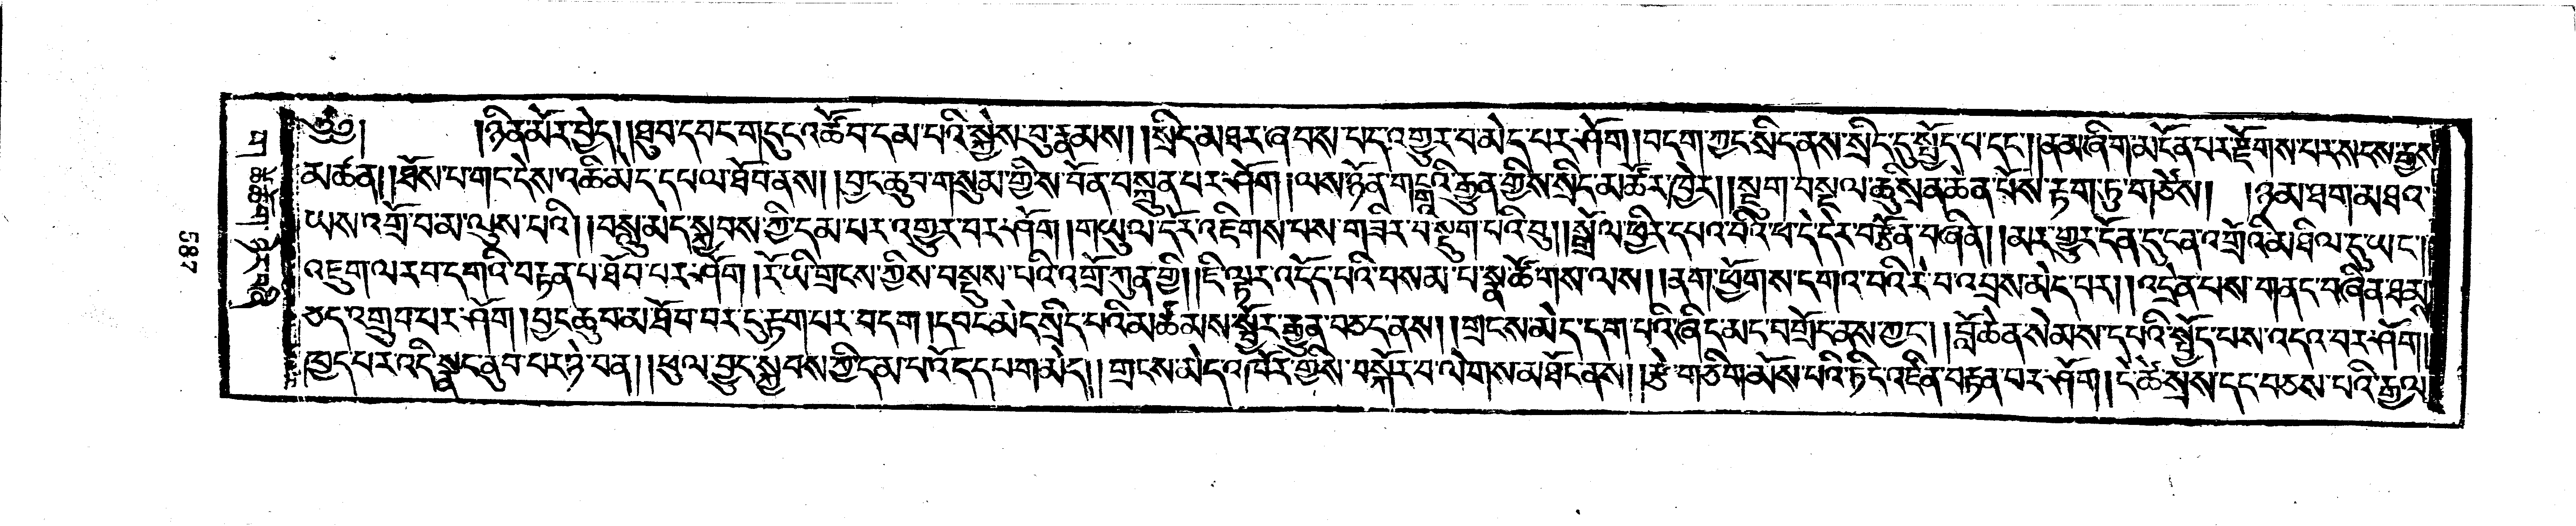༄༅། །ཉིན་མོར་བྱེད། །ཐུབ་དབང་གདུང་འཚོབ་དམ་པའི་སྐྱེས་བུ་རྣམས། །སྲིད་མཐར་ཞབས་པད་འགྱུར་བ་མེད་པར་ཤོག །བདག་ཀྱང་སྲིད་ནས་སྲིང་དུ་སྤྱོད་པ་དང་། །ནམ་ཞིག་མངོན་པར་རྫོགས་པར་སངས་རྒྱས་
མཚན། །ཐོས་པ་གང་དེས་འཆི་མེད་དཔལ་ཐོབ་ནས། །བྱང་ཆུབ་གསུམ་གྱི་ས་བོན་བསྐྲུན་པར་ཤོག །ལས་ཉོན་གངྒཱའི་རྒྱུན་གྱིས་སྲིད་མཚོར་ཁྱེར། །སྡུག་བསྔལ་ཆུ་སྲིན་ཆེན་པོས་རྟག་ཏུ་གཙེས། །ཉམ་ཐག་མཐའ་
ཡས་འགྲོ་བ་མ་ལུས་པའི། །བསླུ་མེད་སྐྱབས་ཀྱི་དམ་པར་འགྱུར་བར་ཤོག །གཡུལ་ངོར་འཇིགས་པས་གཟིར་བ་སྡུག་པའི་བུ། །སྒྲོལ་ཕྱིར་དཔའ་བའི་ཕ་དེ་དེར་བརྩོན་བཞིན། །མར་གྱུར་དོན་དུ་ངན་འགྲོའི་མཐིལ་དུ་ཡང་
འཇུག་ལ་རབ་དགའི་བརྟན་པ་ཐོབ་པར་ཤོག །རོ་ཡི་གྲངས་ཀྱིས་བསྡུས་པའི་འགྲོ་ཀུན་གྱི། །ཇི་ལྟར་འདོད་པའི་བསམ་པ་སྣ་ཚོགས་ལས། །ནག་ཕྱོགས་དགའ་བའི་རེ་བ་འབྲས་མེད་པར། །འདྲེན་པས་གནང་བཞིན་ཐམས་
ཅད་འགྲུབ་པར་ཤོག །བྱང་ཆུབ་མ་ཐོབ་བར་དུ་རྟག་པར་བདག །དབང་མེད་སྲིད་པའི་མཚམས་སྦྱོར་རྒྱན་བཅད་ནས། །གྲངས་མེད་དག་པའི་ཞིང་མང་བགྲོད་ནས་ཀྱང་། །བློ་ཆེན་སེམས་དཔའི་སྤྱོད་པས་འདའ་བར་ཤོག །
ཁྱད་པར་འདི་སྣང་ནུབ་པར་ཉེ་བ་ན། །ཕུལ་བྱུང་སྐྱབས་ཀྱི་དམ་པ་འོད་དཔག་མེད། །གྲངས་མེད་འཁོར་གྱིས་བསྐོར་བ་ལེགས་མཐོང་ནས། །རྩེ་གཅིག་མོས་པའི་ཏིང་འཛིན་བརྟན་པར་ཤོག །དེ་ཚེ་སྲས་དང་བཅས་པའི་རྒྱལ་